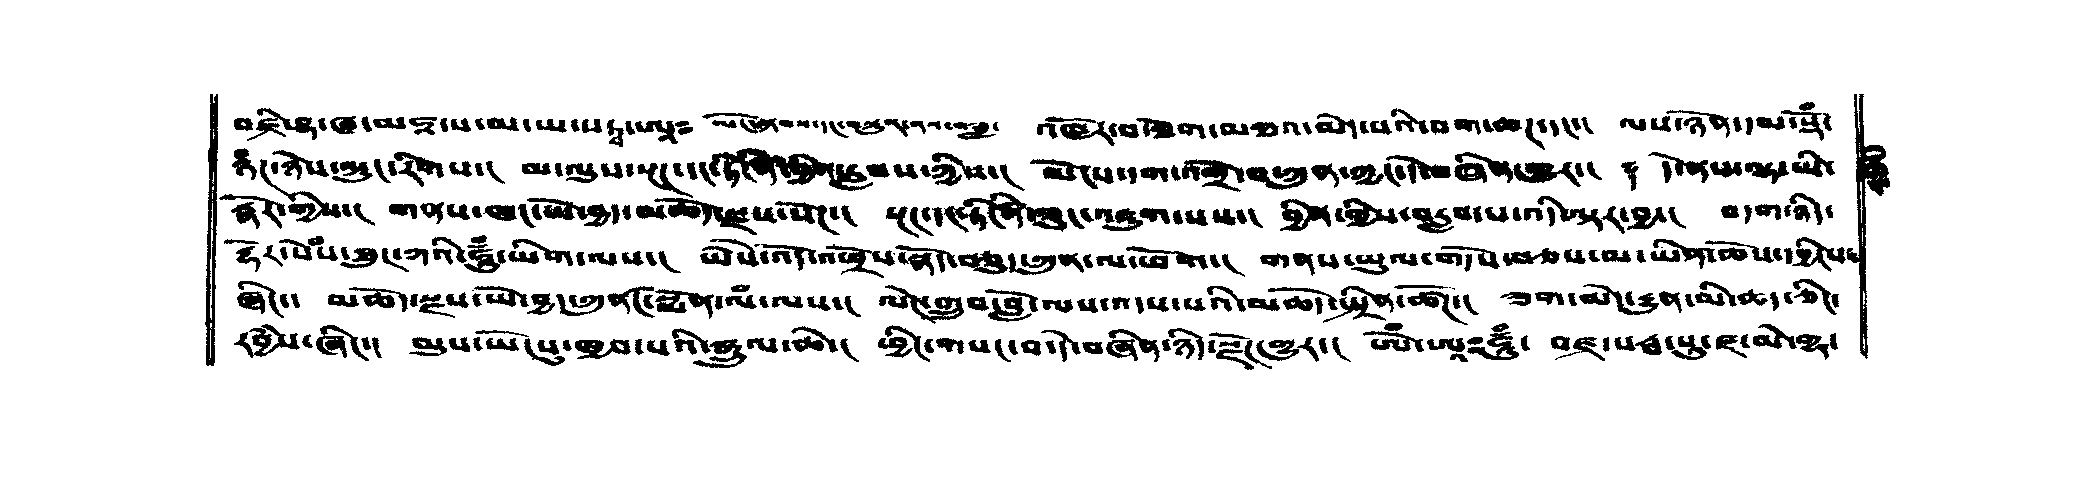བཛྲི་བྷ་ཝ་མ་ཧཱ་ས་མ་ཡ་སཏྭ་ཨཱཿ 1$10001801$0000180ལོང་སྐབས་དང་བསྟུན་ནས་བཟླ། 1$10002501$0000250 འཁོར་བ་ཐོག་མཐའ་མེད་པའི་བག་ཆགས་དང་། །ལས་ཉོན་དམ་སྡོམ་
ཉམས་ཆགས་ཉེས་ལྟུང་རིགས། །མ་ལུས་སྔགས་དང་ཏིང་འཛིན་བྱིན་རླབས་ཀྱིས། །རྨོངས་དག་འགྲོ་བ་ཀུན་ཀྱང་དེ་བཞིན་གྱུར། ། ༈ དེ་ནས་ལྷ་ཡི་
རྣལ་གྱིས། །གནས་ཁང་ཡོ་བྱད་མཆོད་རྫས་སོགས། །སྔགས་དང་ཏིང་འཛིན་ཟུང་འཇུག་པས། །བྱིན་གྱིས་བརླབ་པ་འདི་ལྟར་བྱ། །བདག་ཉིད་
རྡོར་སེམས་ཐུགས་ཀའི་ཧཱུྂ་ཡིག་ལས། །ཡེ་ཤེས་འོད་འཕྲོས་སྣོད་བཅུད་ཀུན་ལ་ཕོག་།གནས་ཡུལ་གདོས་བཅས་མ་ཡིན་ཆོས་དབྱིངས་
ཞིང་། །མཆོད་རྫས་ཡོ་བྱད་ཀུན་བཟང་སྨོན་ལམ་ལས། །ལེགས་གྲུབ་བློ་ལས་འདས་པའི་མཆོད་སྤྲིན་ཚོགས། །ཟག་མེད་རྒྱུན་མི་ཆད་ཅིང་
རབ་འབྱམས་ཞིང་། །མ་ལུས་ཡོངས་སུ་ཁྱབ་པའི་སྒྱུ་འཕྲུལ་ཆེ། །ཕྱི་ནང་གསང་བ་དེ་བཞིན་ཉིད་རྫོགས་གྱུར། ཨོྂ་ཨཱཿཧཱུྂ། བཛྲ་སརྦ་པུ་ཛ་མེ་གྷ་